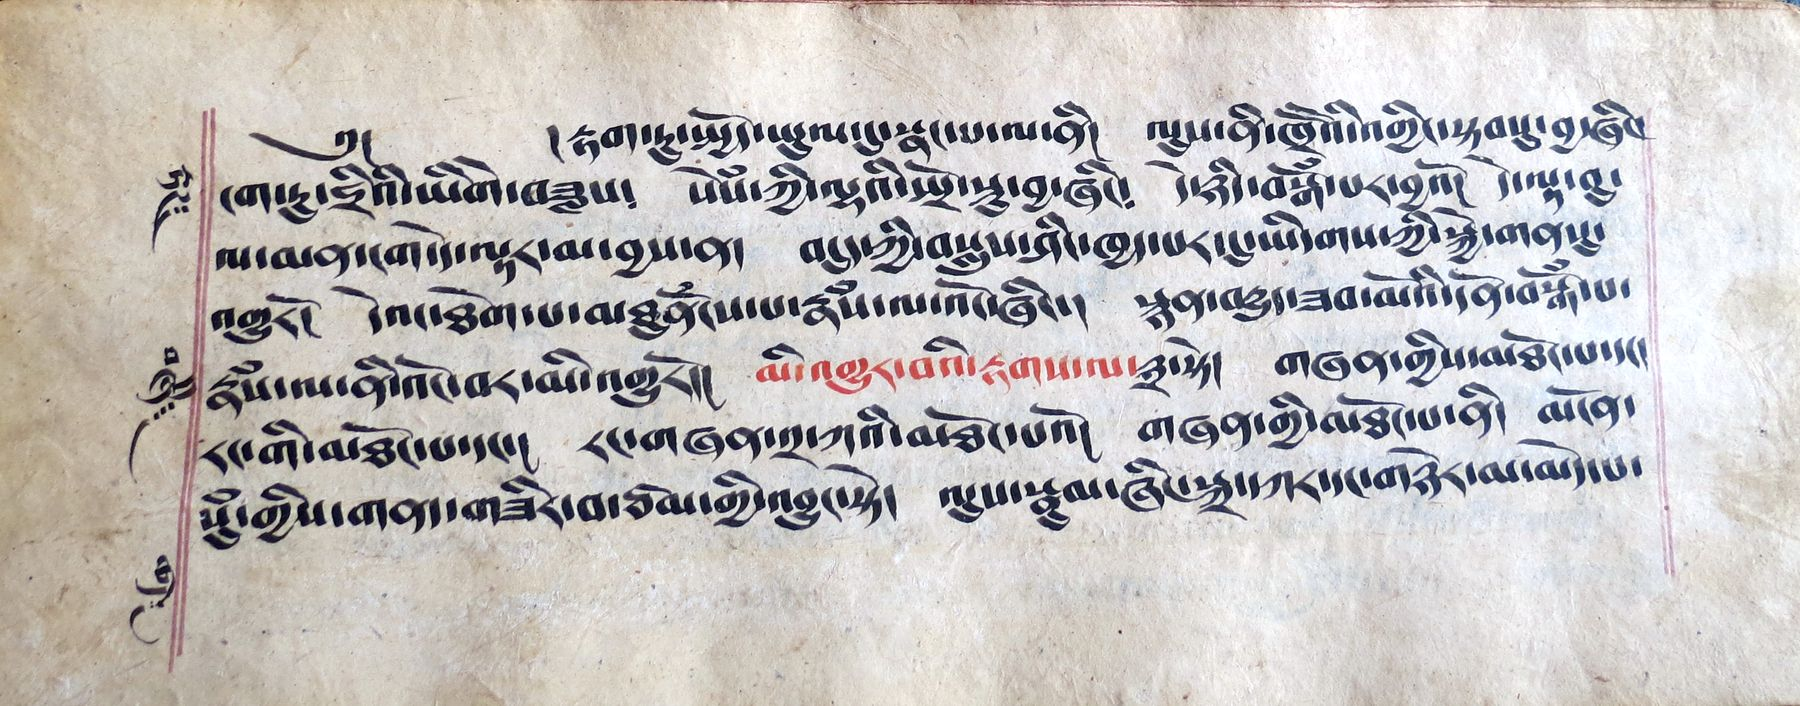རྟག་ཏུ་སྤྱོད་ཡུལ་དུ་སྣང་བ་ལ་ནི། ལུས་ཁྲོ་བོའི་འགྱིང་སྟབས་སུ་བྱ་ཞིང་། 
ངག་ཏུ་ཧྲིའི་ཡི་གེ་བཟླས། སེམས་ཀྱི་ལྷའི་སྤྲོ་བསྡུ་བྱ་ཞིང་།དེ་ཉིད་སྒོམ་པར་བྱའོ། །དེ་ལྟ་བུ་
ལ་མན་ངག་དེ་ལྟར་མ་བྱས་ན། བདུད་ཀྱིས་བསླུ་ཞིང་ཁྱད་པར་དུ་ཡི་དྭགས་ཀྱི་སྐྱེ་གནས་སུ་
འགྱུར་རོ། །དེ་རྣམས་ཐེག་པ་ཐུན་མོང་པ་རྣམས་ལ་འོང་ཞིང་། སྙན་རྒྱུད་ཟབ་མོའི་དོན་སྒོམ་པ་
རྣམས་ལ་ནི་འོང་བར་མི་འགྱུར་རོ། །མི་འགྱུར་བའི་རྟགས་ལ་གསུམ་སྟེ། གཞན་གྱིས་མཐོང་བ་དང་། 
རང་གིས་མཐོང་བ་དང་། རང་གཞན་གཉིས་ཀས་མཐོང་བའོ། །གཞན་གྱིས་མཐོང་བ་ནི། མངོན་
སུམ་གྱིས་གནད་གཟིར་བ་ཙམ་གྱིས་འབྱུང་སྟེ། ལུས་སྣུམ་ཞིང་སྐྲ་དཀར་དང་གཉེར་མ་མེད་པ་